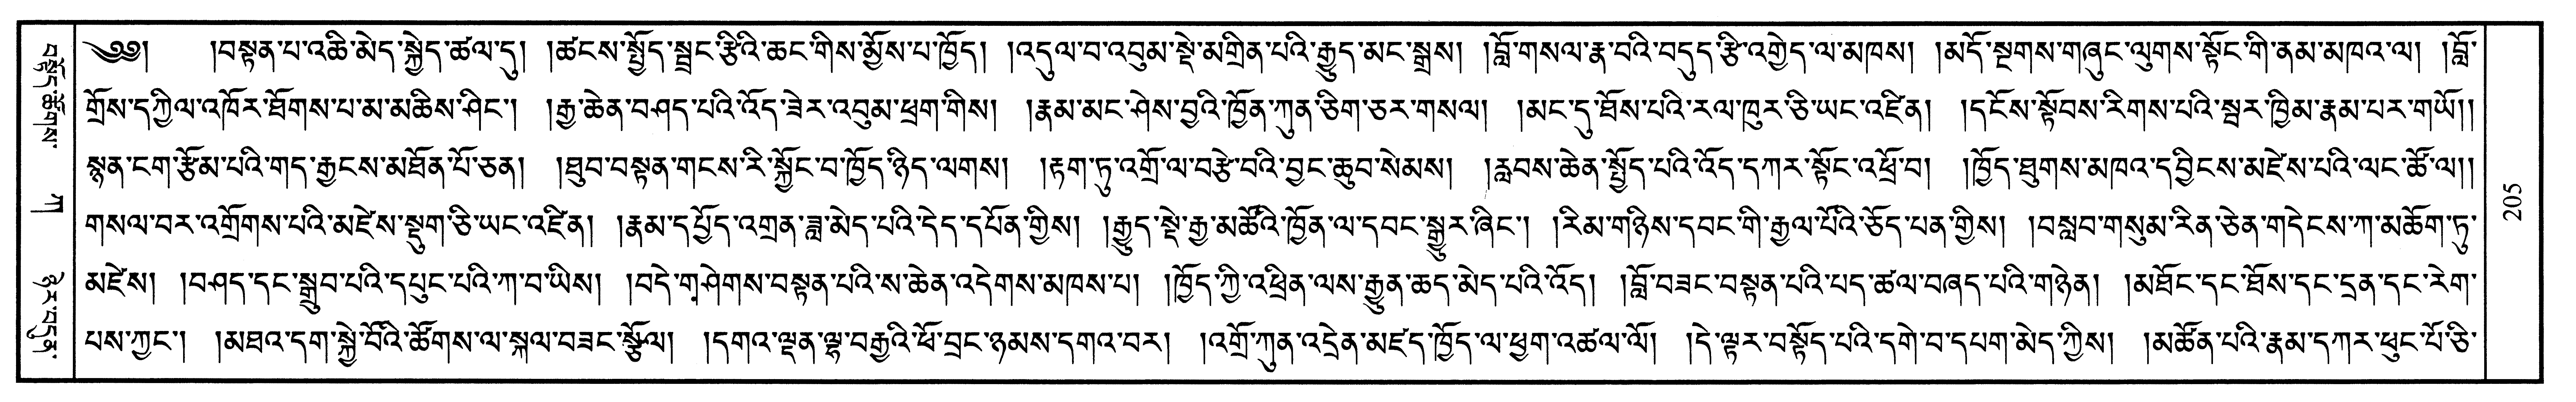༄༅། །བསྟན་པ་འཆི་མེད་སྐྱེད་ཚལ་དུ། །ཚངས་སྤྱོད་སྦྲང་རྩིའི་ཆང་གིས་མྱོས་པ་ཁྱོད། །འདུལ་བ་འབུམ་སྡེ་མགྲིན་པའི་རྒྱུད་མང་སྒྲས། །བློ་གསལ་རྣ་བའི་བདུད་རྩི་འགྱེད་ལ་མཁས། །མདོ་སྔགས་གཞུང་ལུགས་སྟོང་གི་ནམ་མཁའ་ལ། །བློ་
གྲོས་དཀྱིལ་འཁོར་ཐོགས་པ་མ་མཆིས་ཤིང་། །རྒྱ་ཆེན་བཤད་པའི་འོད་ཟེར་འབུམ་ཕྲག་གིས། །རྣམ་མང་ཤེས་བྱའི་ཁྱོན་ཀུན་ཅིག་ཆར་གསལ། །མང་དུ་ཐོས་པའི་རལ་ཁུར་ཅི་ཡང་འཛིན། །དངོས་སྟོབས་རིགས་པའི་སྦར་ཁྱིམ་རྣམ་པར་གཡོ། །
སྙན་ངག་རྩོམ་པའི་གད་རྒྱངས་མཐོན་པོ་ཅན། །ཐུབ་བསྟན་གངས་རི་སྐྱོང་བ་ཁྱོད་ཉིད་ལགས། །རྟག་ཏུ་འགྲོ་ལ་བརྩེ་བའི་བྱང་ཆུབ་སེམས། །རླབས་ཆེན་སྤྱོད་པའི་འོད་དཀར་སྟོང་འཕྲོ་བ། །ཁྱོད་ཐུགས་མཁའ་དབྱིངས་མཛེས་པའི་ལང་ཚོ་ལ། །
གསལ་བར་འགྲོགས་པའི་མཛེས་སྡུག་ཅི་ཡང་འཛིན། །རྣམ་དཔྱོད་འགྲན་ཟླ་མེད་པའི་དེད་དཔོན་གྱིས། །རྒྱུད་སྡེ་རྒྱ་མཚོའི་ཁྱོན་ལ་དབང་སྒྱུར་ཞིང་། །རིམ་གཉིས་དབང་གི་རྒྱལ་པོའི་ཅོད་པན་གྱིས། །བསླབ་གསུམ་རིན་ཅེན་གདེངས་ཀ་མཆོག་ཏུ་
མཛེས། །བཤད་དང་སྒྲུབ་པའི་དཔུང་པའི་ཀ་བ་ཡིས། །བདེ་གཤེགས་བསྟན་པའི་ས་ཆེན་འདེགས་མཁས་པ། །ཁྱོད་ཀྱི་འཕྲིན་ལས་རྒྱུན་ཆད་མེད་པའི་འོད། །བློ་བཟང་བསྟན་པའི་པད་ཚལ་བཞད་པའི་གཉེན། །མཐོང་དང་ཐོས་དང་དྲན་དང་རེག་
པས་ཀྱང་། །མཐའ་དག་སྐྱེ་བོའི་ཚོགས་ལ་སྐལ་བཟང་སྩོལ། །དགའ་ལྡན་ལྷ་བརྒྱའི་ཕོ་བྲང་ཉམས་དགའ་བར། །འགྲོ་ཀུན་འདྲེན་མཛད་ཁྱོད་ལ་ཕྱག་འཚལ་ལོ། །དེ་ལྟར་བསྟོད་པའི་དགེ་བ་དཔག་མེད་ཀྱིས། །མཚོན་པའི་རྣམ་དཀར་ཕུང་པོ་ཅི་